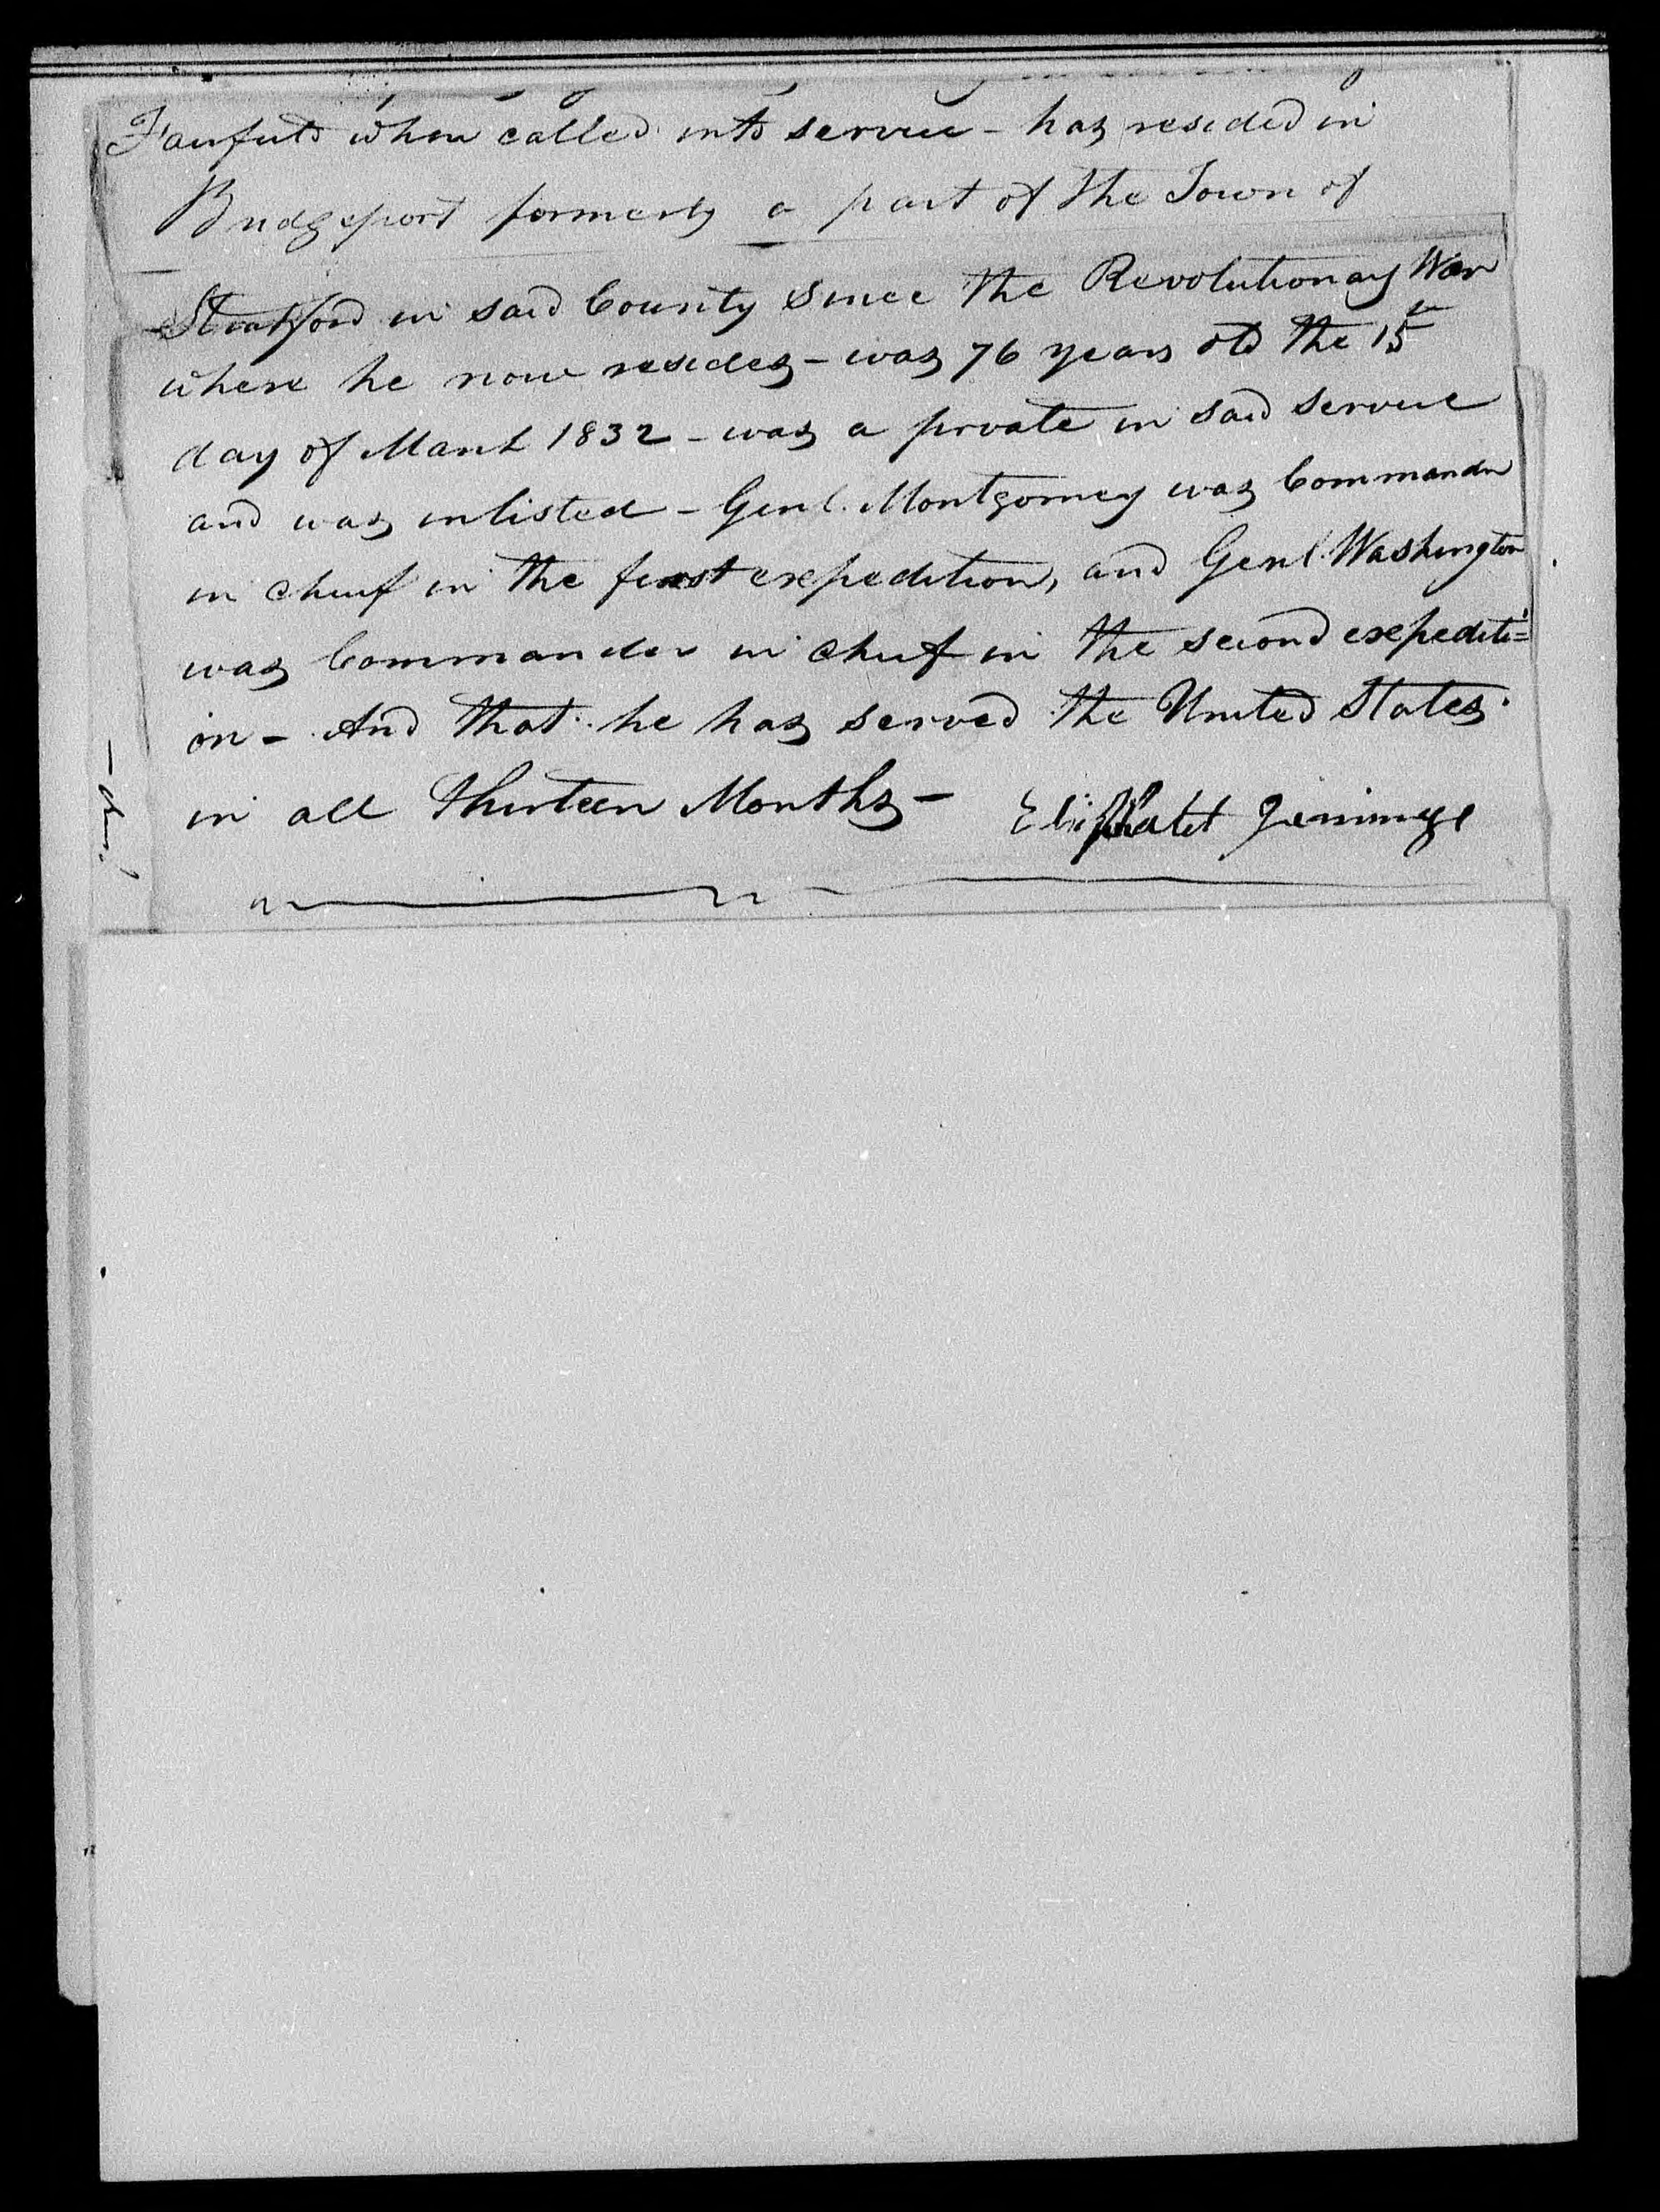Fairfield when called into service--has resided in Bridgeport formerly a part of the Town of Stratford in said County since the Revolutionary War where he now resides--was 76 years old the 15th day of March 1832--was a private in said service and was inlisted--Genl. Montgomery was Commander in Chief in the first expedition, and Genl. Washington was Commander in Chief in the second expedition--And that he has served the United States in all thirteen Months--
Eliphalet Jennings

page: 6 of 10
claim: survivor's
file: S. 18468, for Eliphalet Jennings, Connecticut